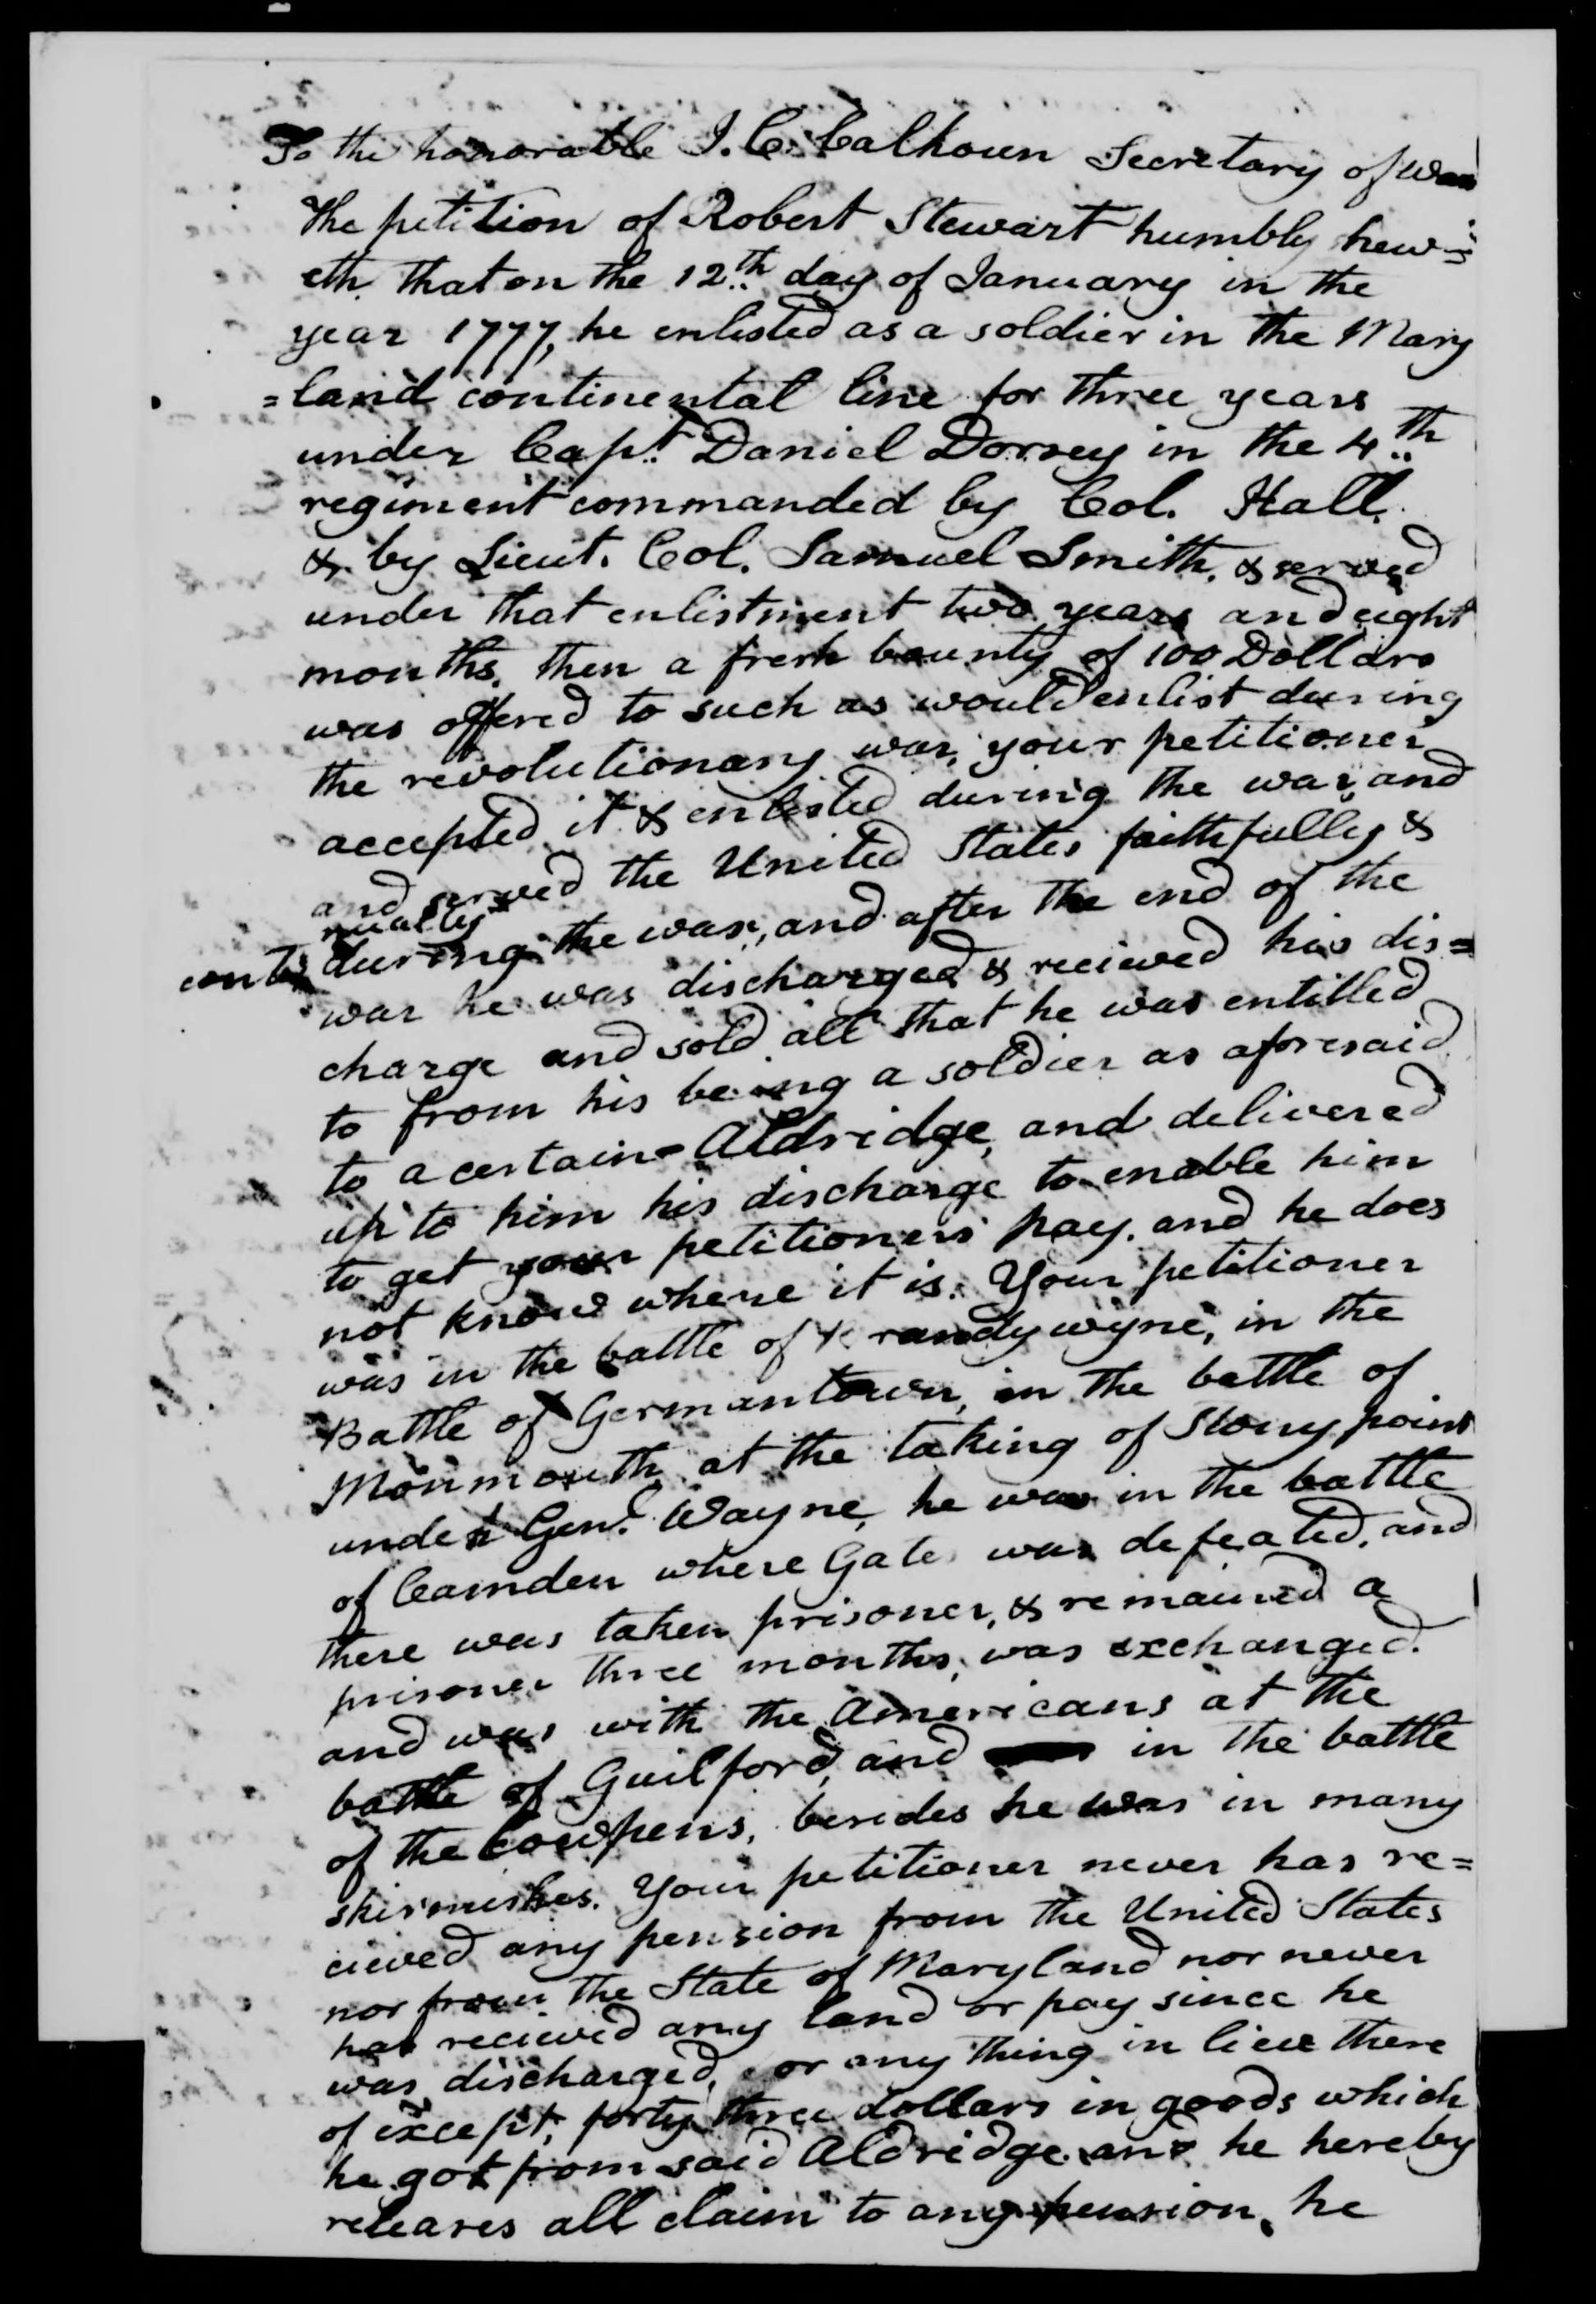To the Honorable J. C. Calhoun Secretary of War
The petition of Rober Stewart humbly showeth that on the 12th day of January in the year 1777 he enlisted as a soldier in the Maryland Continental line for three years under Capt. Daniel Dorsey in the 4th regiment commanded by Col. Hall & by Lieut. Col. Samuel Smith & served under that enlistment two years and eight months, then a fresh bounty of 100 dollars was offered to such as would enlist during the revolutionary war, your petitioner accepted it & enlisted during the war and served the United States faithfully & continually during the war, and after the end of the war he was discharged & received his discharge and sold all that he was entitled to from his being a soldier as aforesaid to a certain Aldridge and delivered up to him his discharge to enable him to get your petitioner's pay and he does not know where it is. Your petitioner was in the battle of Brandywine in the battle of Germantown, in the battle of Monmouth at the taking of Stoney Point under Gen Wayne, he was in the battle of Camden where Gates was defeated and there was taken prisoner & remained a prisoner three months, was exchanged and was with the Americans at the battle of Guilford and in the battle of the Cowpens besides he was in many skirmishes. Your petitioner never has received any pension from the United States nor from the State of Maryland nor never has received any land or pay since he was discharged or anything in lieu thereof except forty-three dollars in goods which he got from said Aldridge and he hereby releases all claim to any pension, he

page: 6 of 15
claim: survivor's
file: S 39089, for Robert Stewart, Maryland